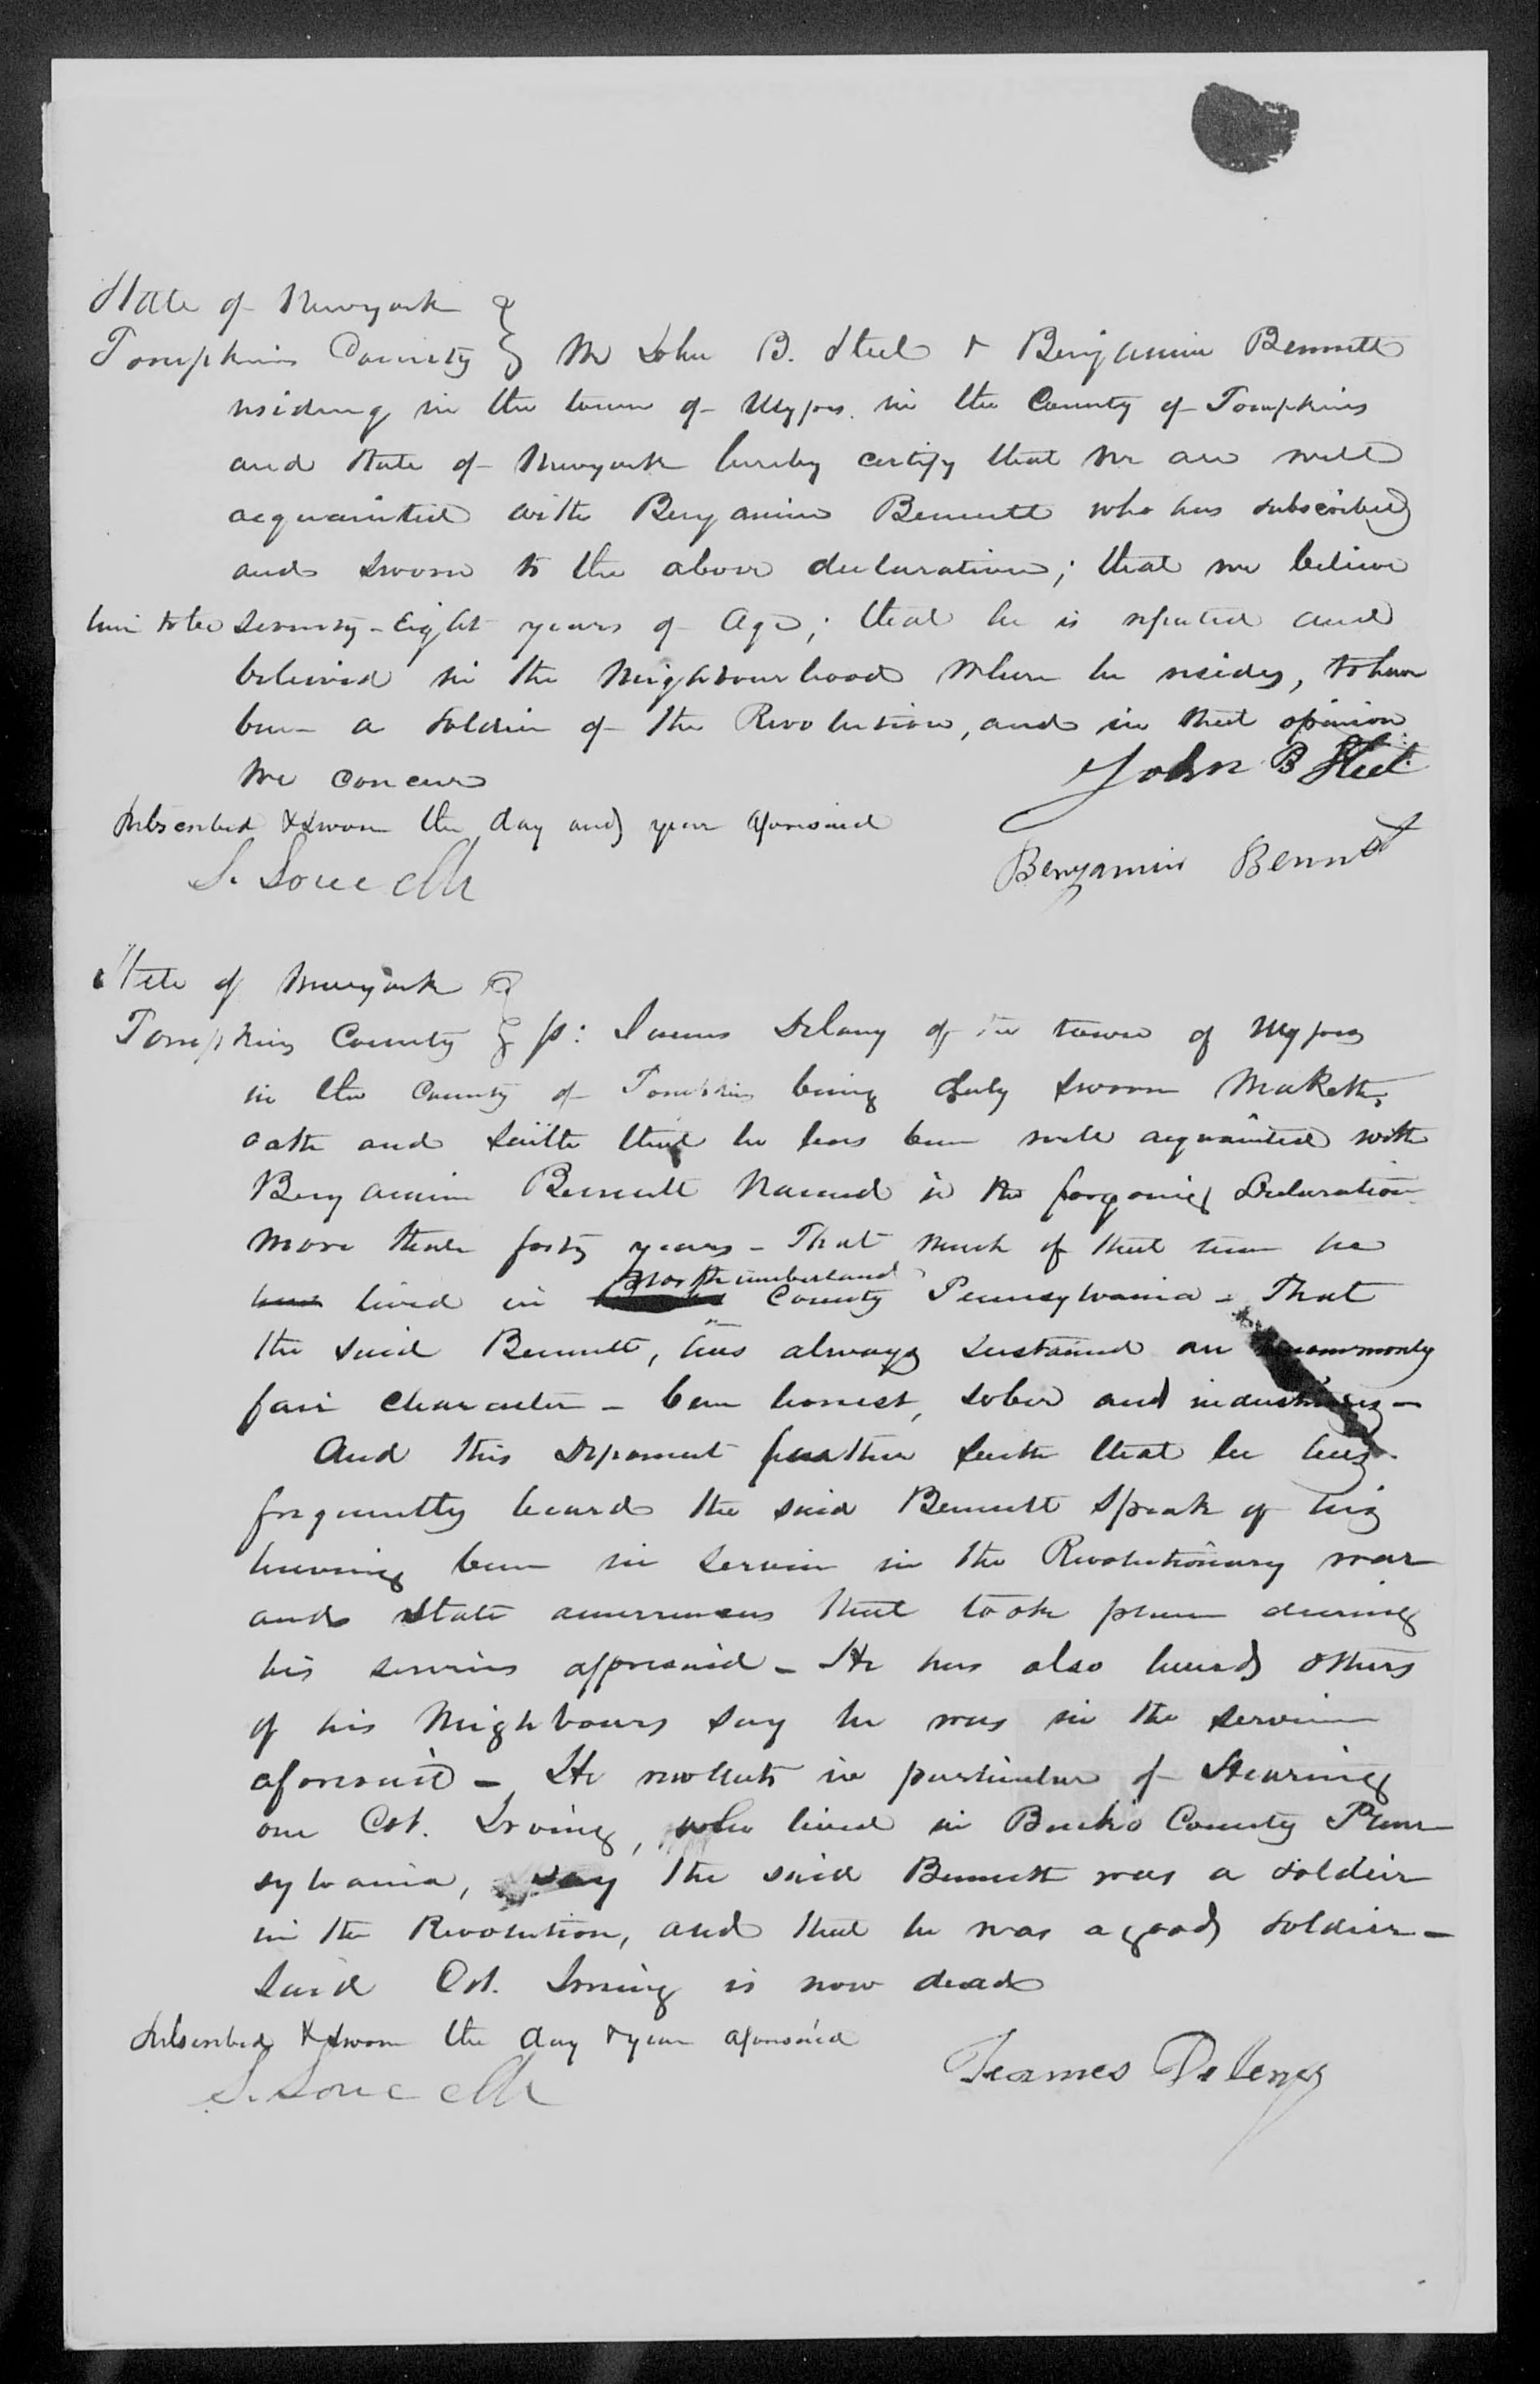State of Newyork Tompkins County} We John B. Steel & Benjamin Bennett residing in the town of Ulysses in the County of Tompkins and State of Newyork hereby certify that we are well acquainted with Benjamin Bennett who has subscribed and sworn to the above declaration; that we believe him to be Seventy-Eight years of Age; that he is reputed and believed in the neighbourhood where he resides, to have been a soldier of the Revolution, and in that opinion we concur John B Steel [signature] Benjamin Bennett [signature] 

Subscribed & sworn the day and year aforesaid  S. Soweth [signature] 

State of Newyork Tompkins County} Ss:  James Delaney of the town of Ulysses in the County of Tompkins being duly sworn maketh oath and saith that he has been well acquainted with Benjamin Bennett Named in the forgoing Declaration more than forty years. That much of that time he [word crossed out] lived in [word crossed out] Northumberland County Pennsylvania. That the said Bennett, has always sustained an uncommonly fair character -- been honest, sober and industrious -- 
And this Deponent further saith that he has frequently heard the said Bennett speak of his having been in service in the Revolutionary war and State occurrences that took place during his services aforesaid. He has also heard others of his neighbours say he was in the service aforesaid. He [unreadable] in [unreadable] of Hearing one Col. Irving, who lived in Bucks County Pennsylvania, say the said Bennett was a soldier in the Revolution, and that he was a good soldier.  Said Col. Irving is now dead  James Delaney [signature] 

Subscribed & Sworn the day & year aforesaid S. Soweth [signature]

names: James Deleny, Irving, Irving, Benjamin Bennett, Bennett, Benjamin Bennett, James Delany, Benjamin Bennet, Bennett, S Loweth, John B Steel, Bennett, S Loweth, Benjamin Bennett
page: 6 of 16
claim: survivor's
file: S. 12175, Benjamin Bennett, Penn.